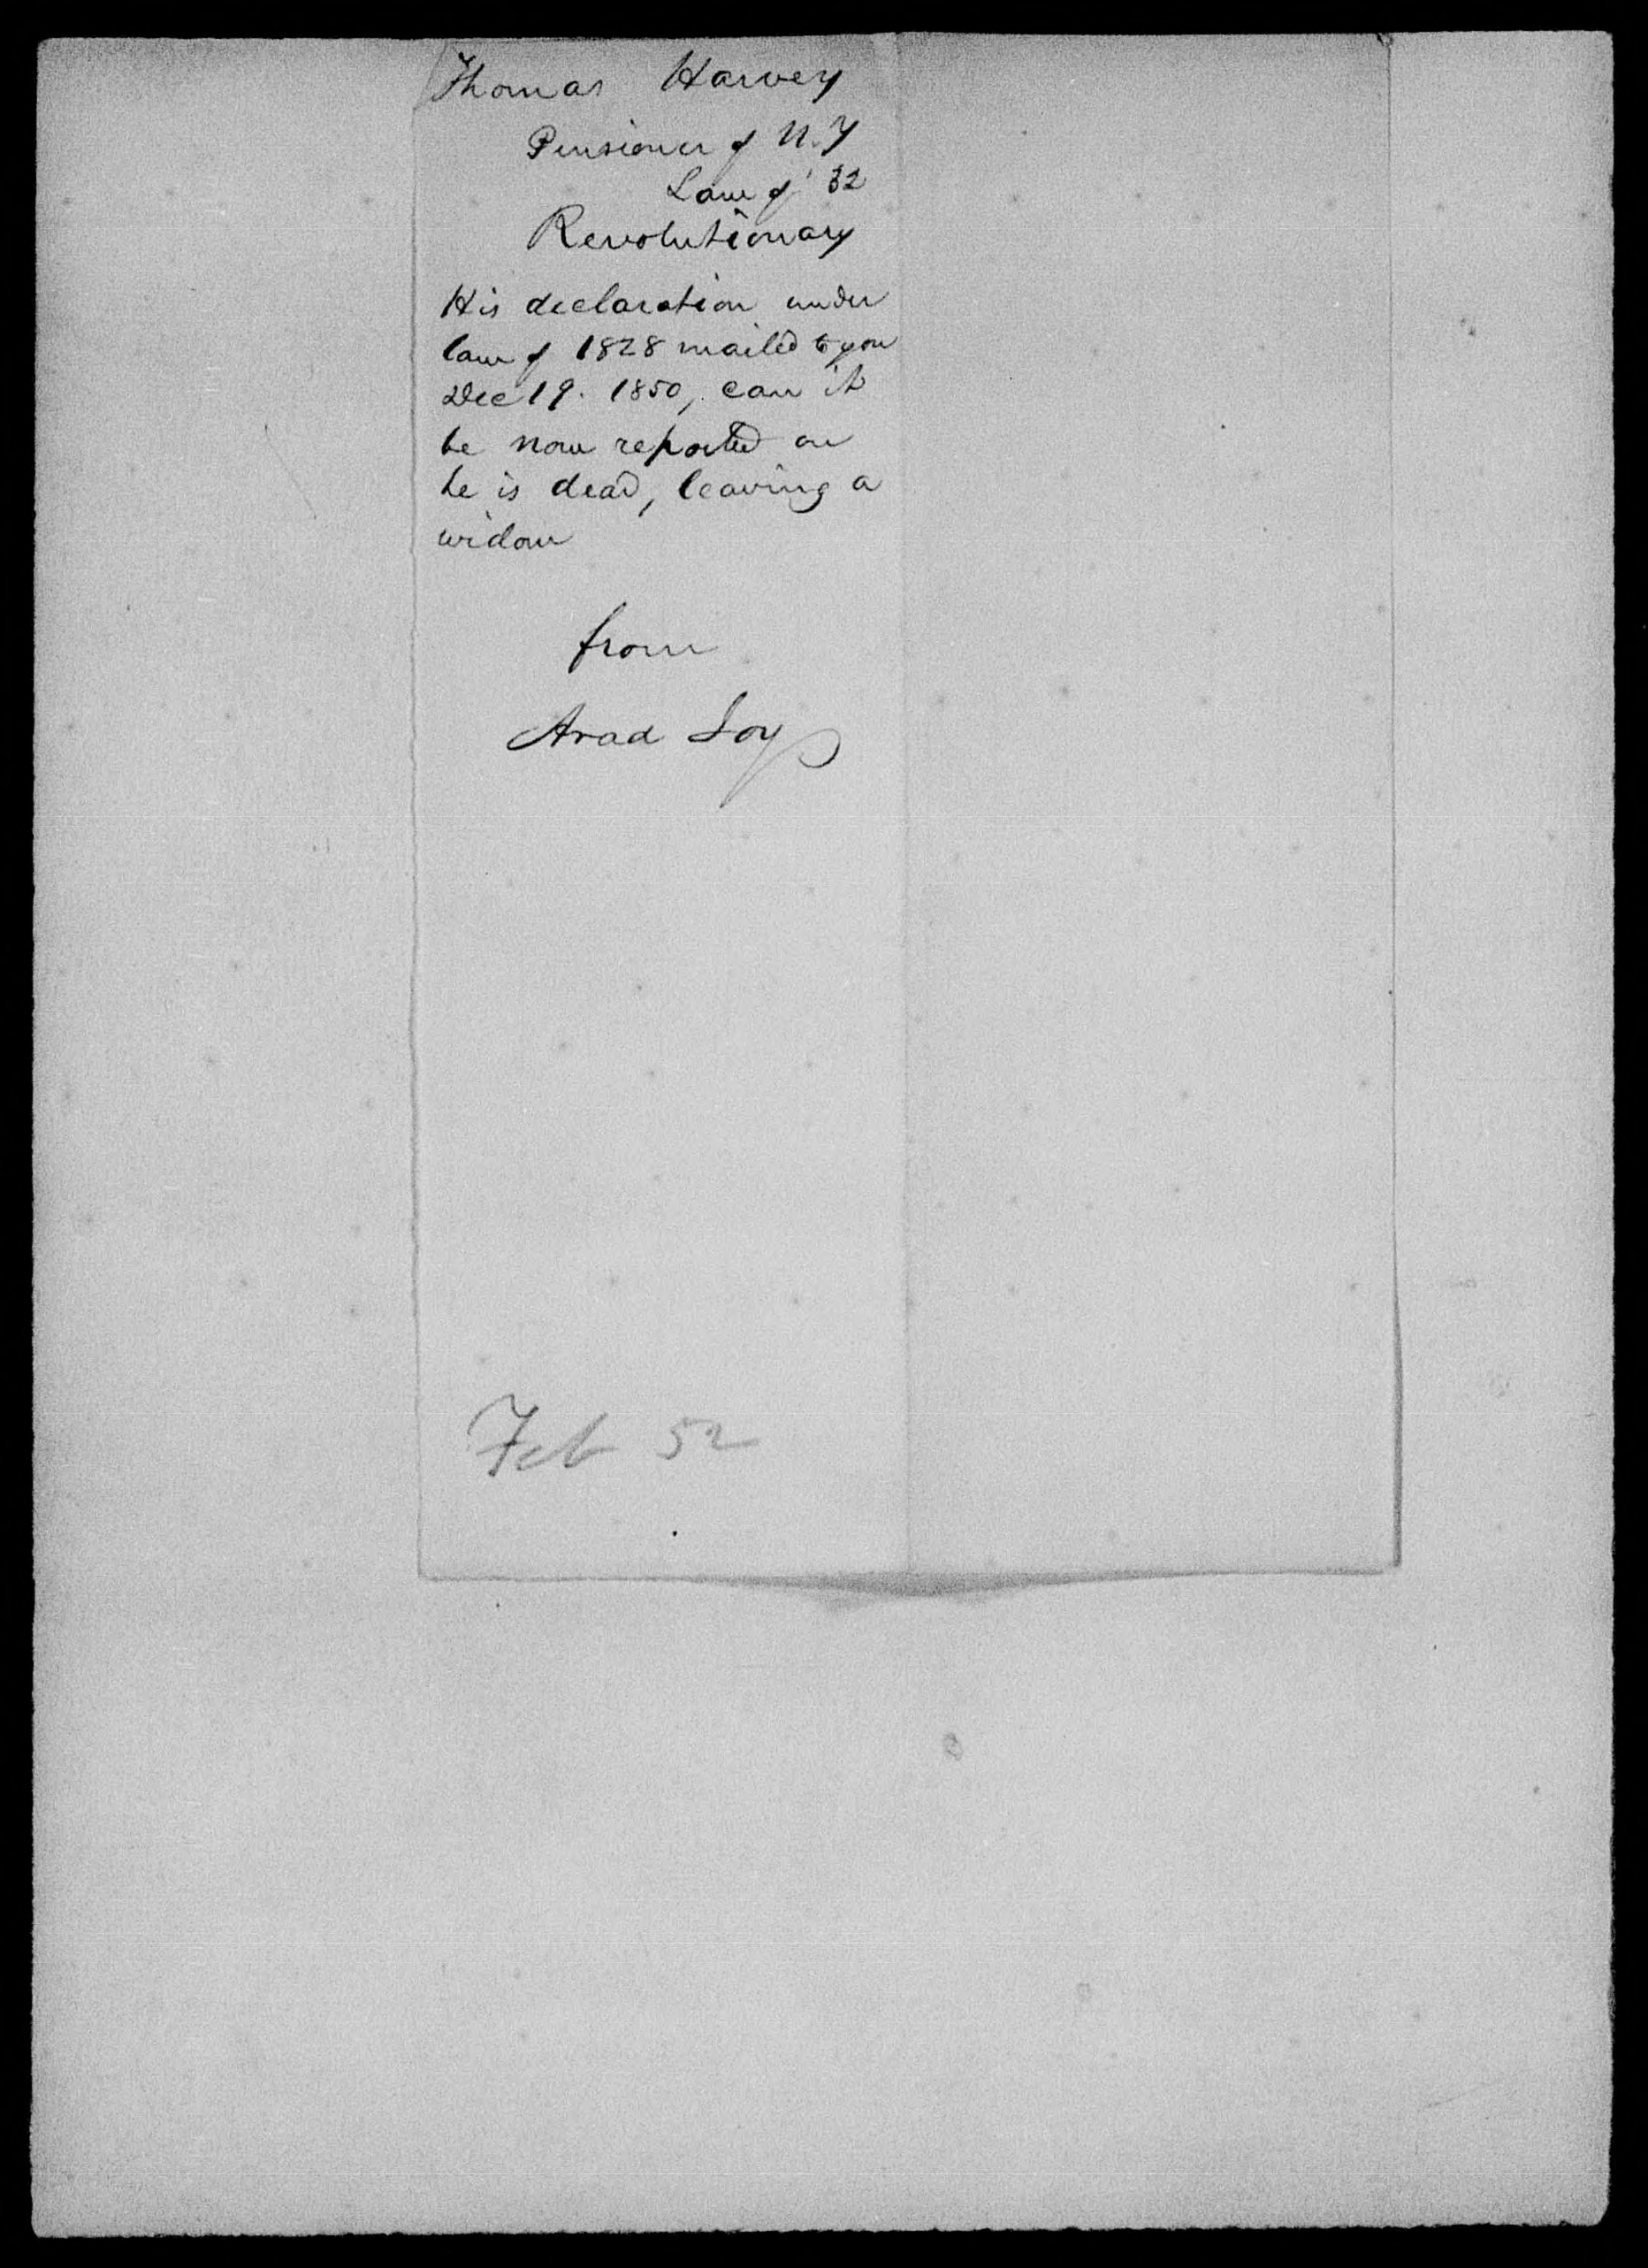Thomas Harvey
Pensioner of N.Y. 
Law of '32
Revolutionary
His declaration under law of 1828 mailed to you Dec. 19, 1850, can it be now reported on he id dead, leaving a widow
from Arad Joy 
Feb 52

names: Thomas Harvey, Arad Joy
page: 13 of 80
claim: survivor's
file: S. 18008, Thomas Harvey, N.H.